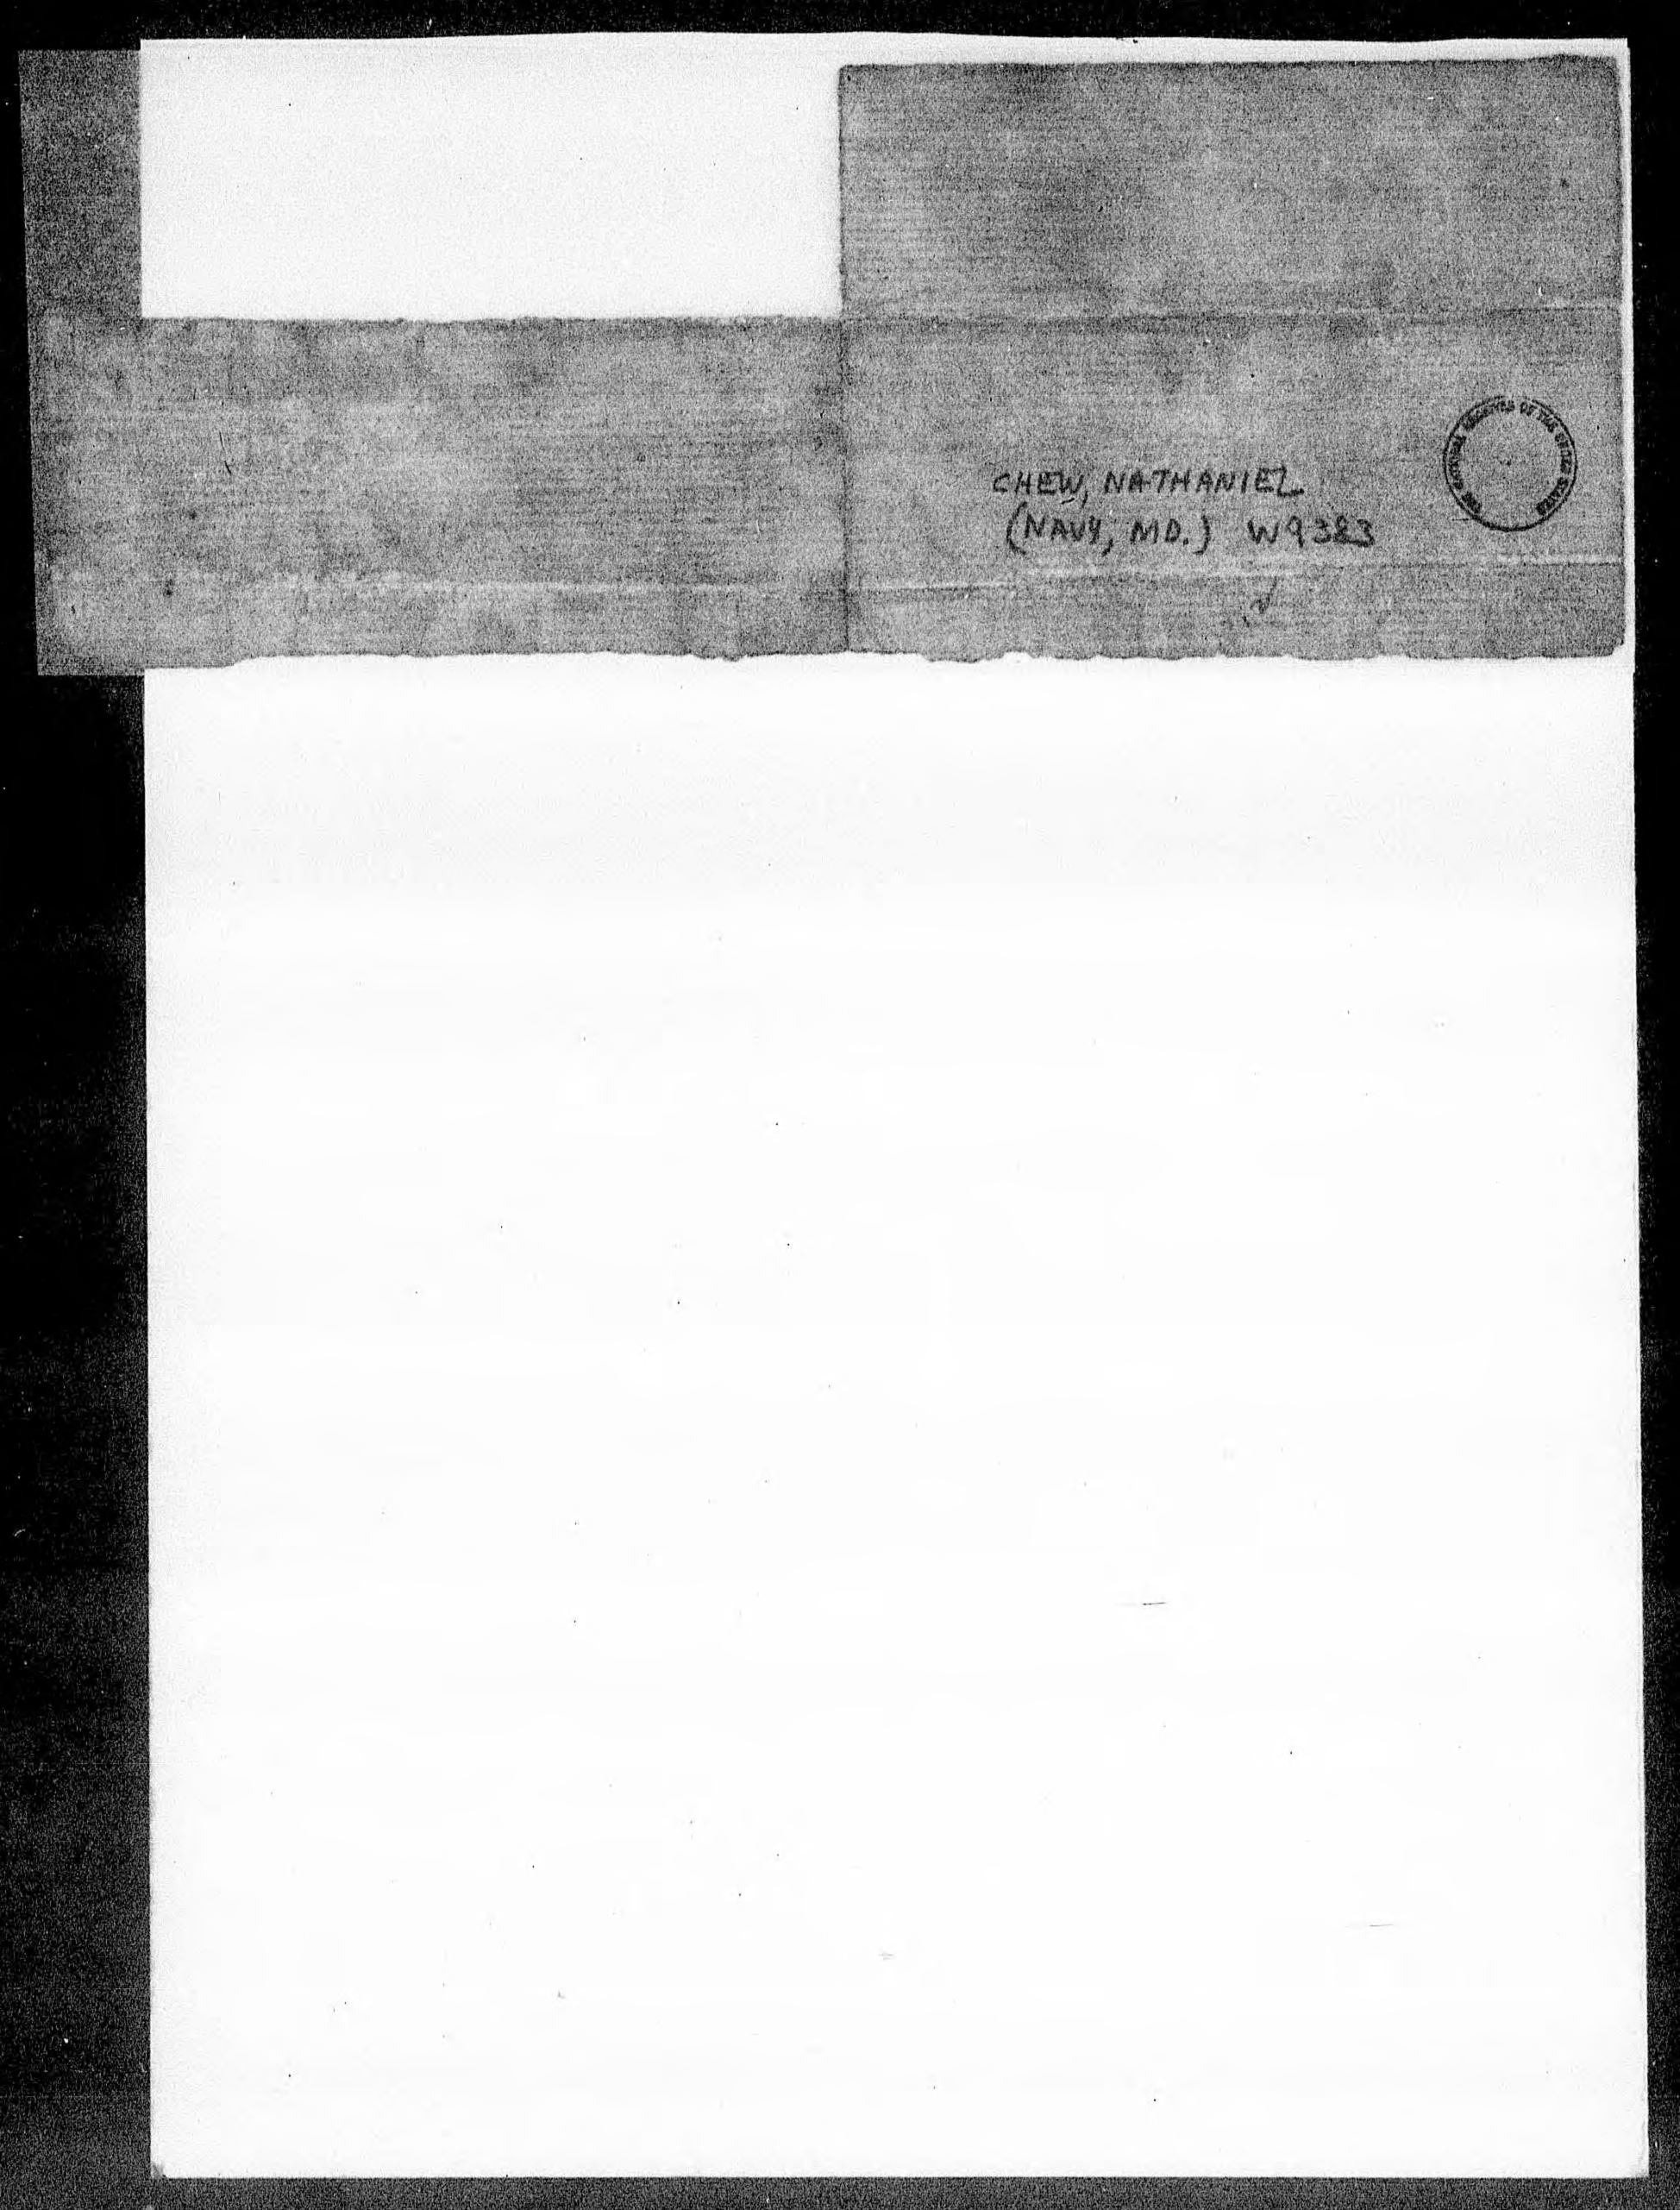CHEW, NATHANIEL
(NAVY, MD.) W9383  [Circular seal: THE NATIONAL ARCHIVES OF THE UNITED STATES]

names: Nathaniel Chew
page: 23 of 59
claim: widow's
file: W. 9383, Nathaniel Chew, Navy (Md.)